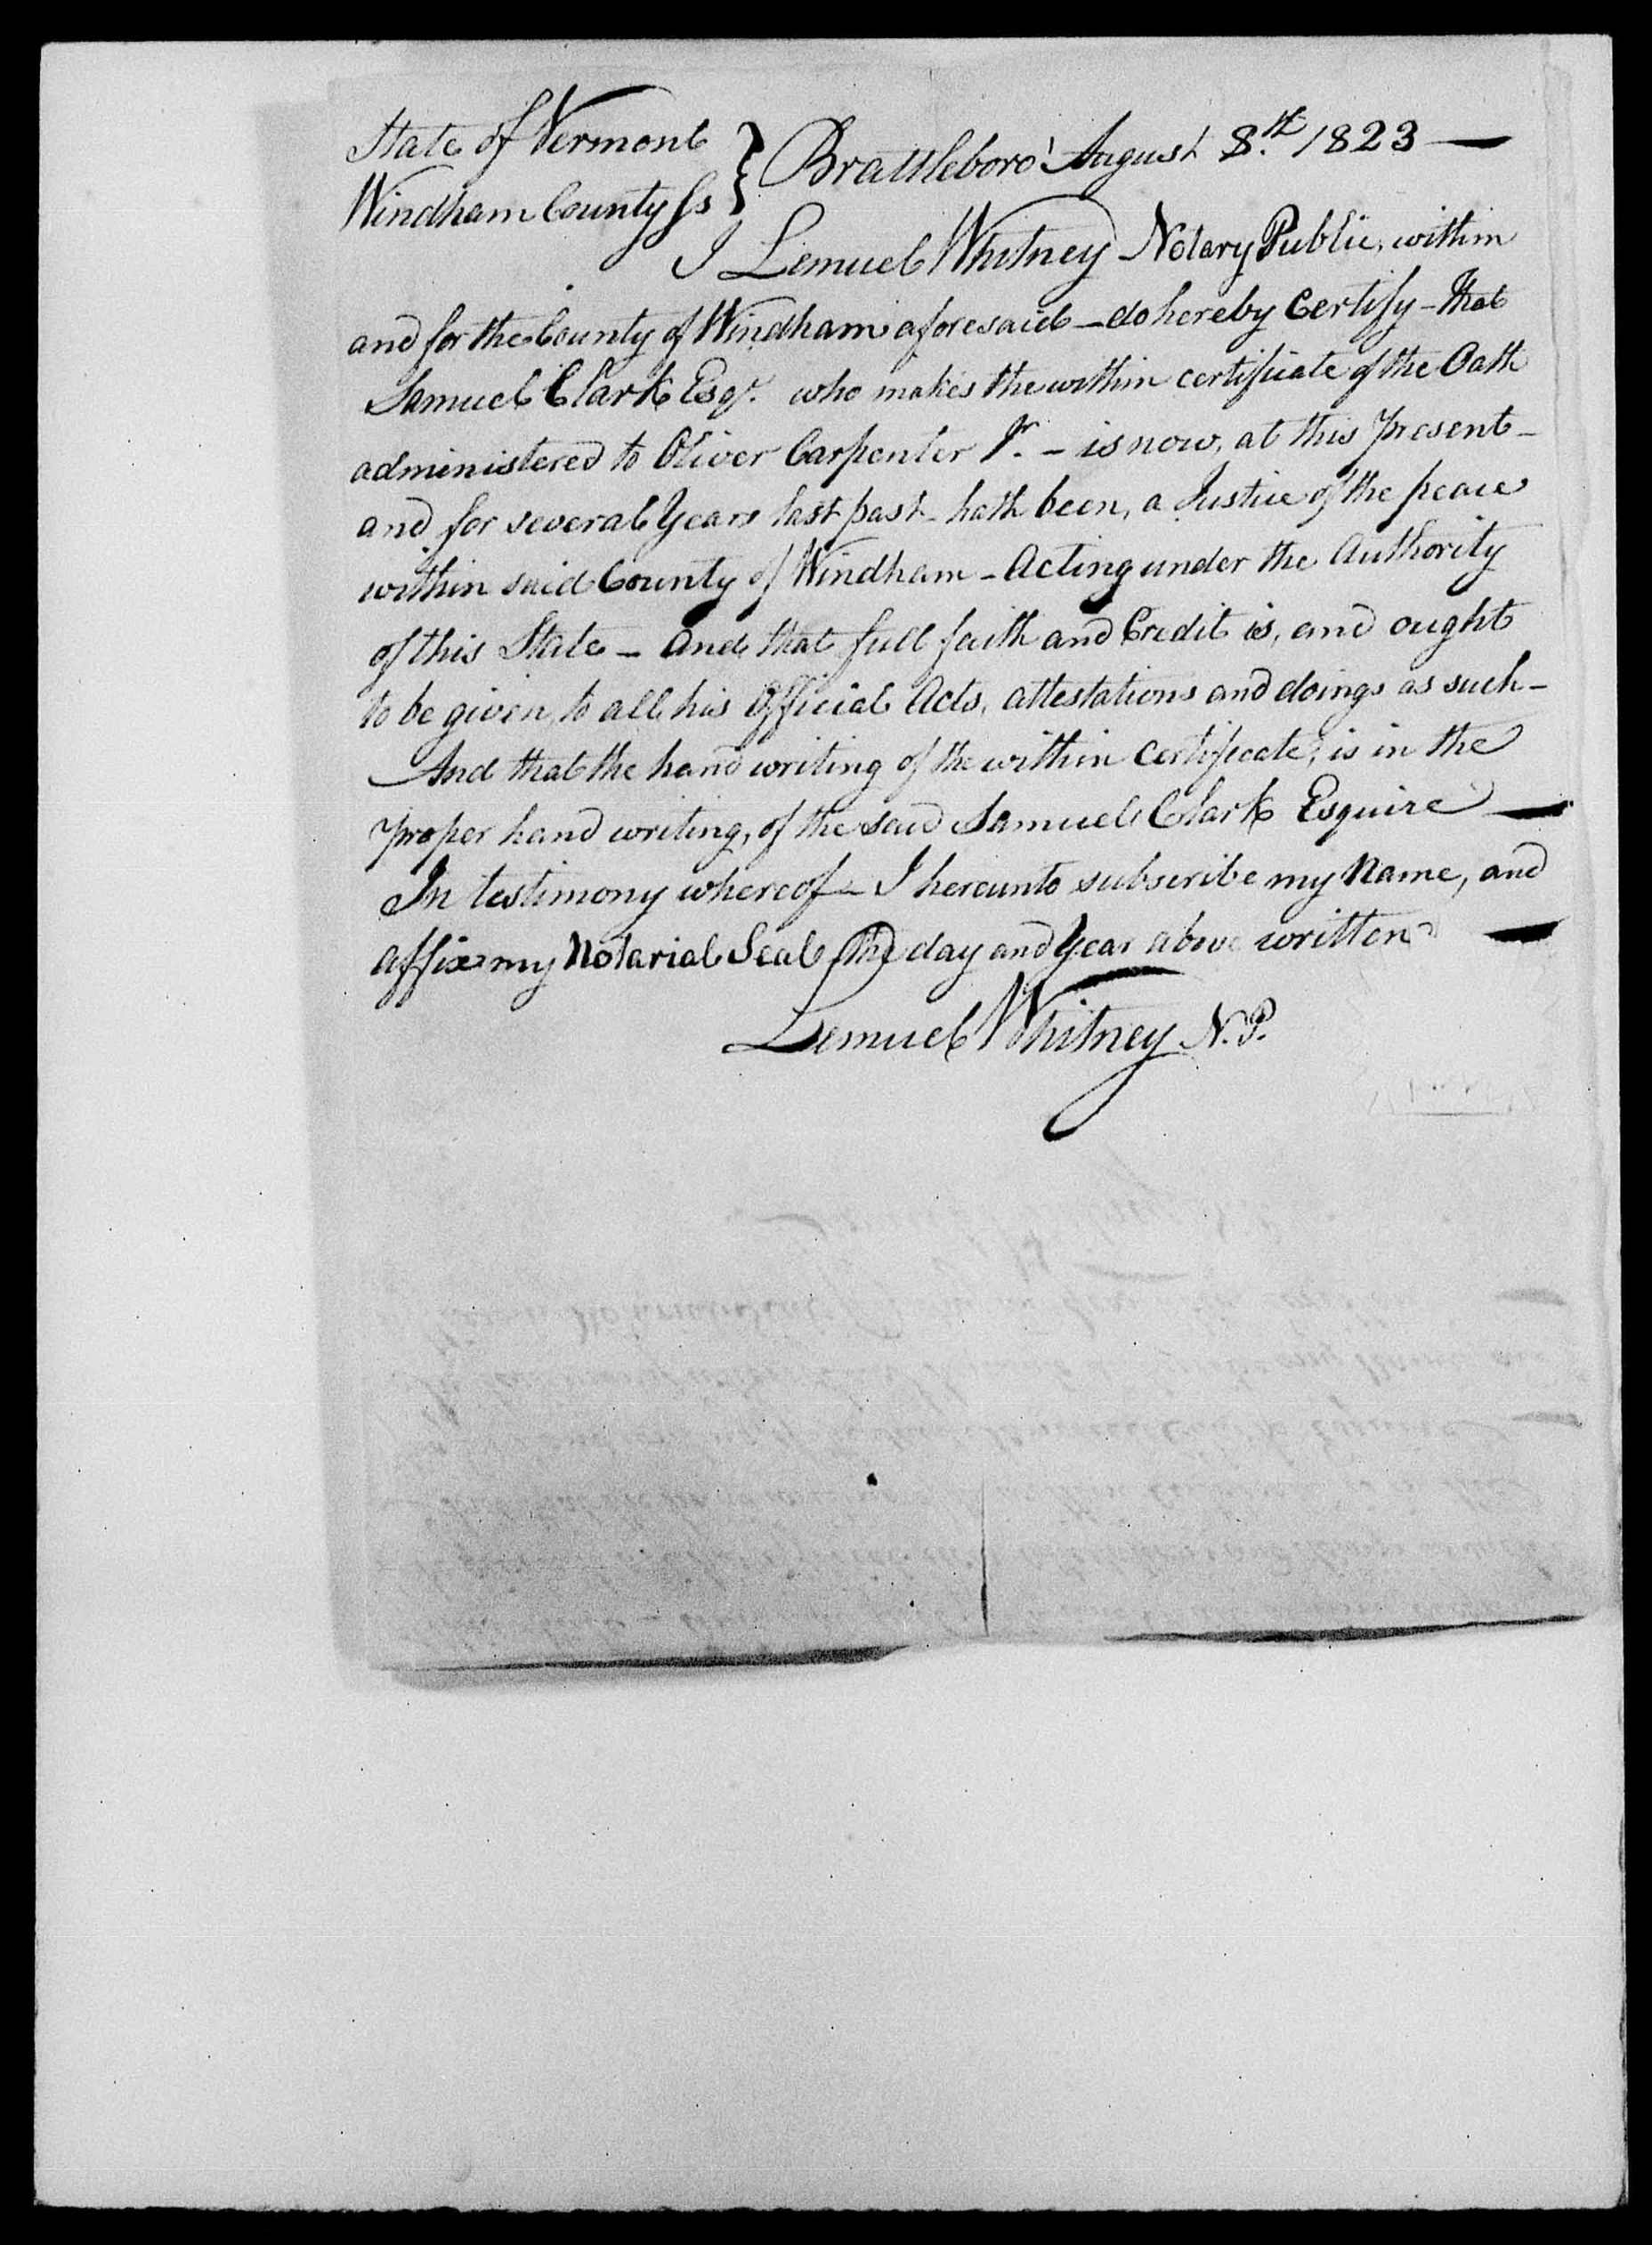State of Vermont
Windham County Ss 
 Brattleboro  August 8th 1823

I Lemuel Whitney Notary Public within and for the County of Windham aforesaid do hereby certify that Samuel Clark, Esq. who make the written certificate of the oath administered to Oliver Carpenter Jr. is now, at this present and for several years last past hath been a Justice of the Peace within said County of Windham.  Acting under the authority of this State and that full faith and credit is and ought to be given to all his official acts, attestations and doings as such. And that the hand writing of the written certificate is in the proper hand writing of the said Samuel Clark Esquire. In testimony whereof I hereunto subscribe my name and affix my Notorial Seal the day and year above written.
Lemuel Whitney N.P.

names: Oliver Carpenter, Lemuel Whitney, Lemuel Whitney, Samuel Clark, Samuel Clark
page: 63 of 68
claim: survivor's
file: S. 29,877, Daniel Harris, Mass.